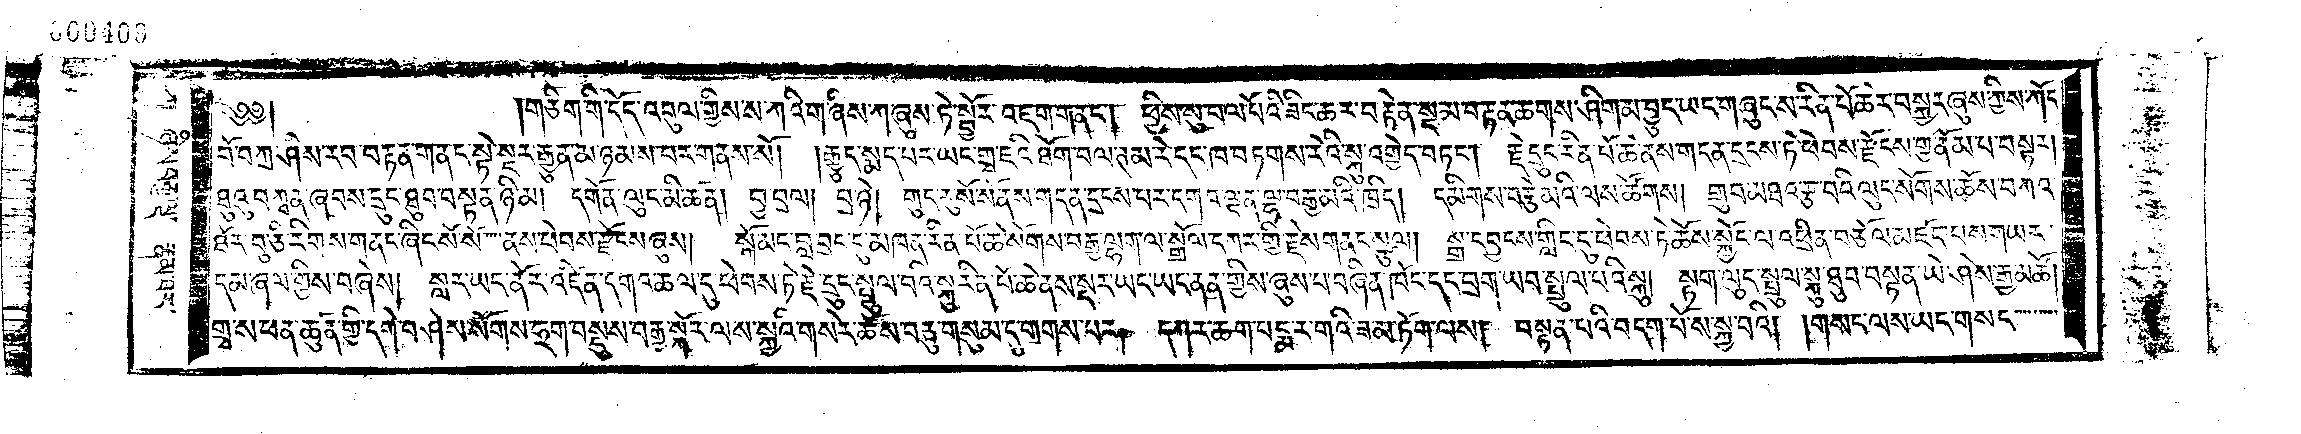༄༅། །གཅིག་གི་དོད་འབུལ་གྱིས་ས་ཀའི་གཞིས་ཀ་ཞུས་ཏེ་སྦྱོར་འཇག་གནང་། ཕྱིས་སུ་བལ་པོའི་ཟིང་ཆར་བརྟེན་སྔ་མ་བརྟན་ཆགས་ཤིག་མ་བྱུང་ཡང་གཞུང་ས་རིན་པོ་ཆེར་བསྐྱར་ཞུས་ཀྱིས་ཀོང་
པོ་བཀྲ་ཤིས་རབ་བརྟན་གནང་སྟེ་སྔར་རྒྱུན་མ་ཉམས་པར་གནས་སོ། །རྒྱུད་སྨད་པར་ཡང་གྲྭ་རྡའི་ཐོག་བལ་ཊ་མ་རེ་དང་ཁ་བཏགས་རེའི་སྐུ་འགྱེད་བཏང་། རྗེ་དྲུང་རིན་པོ་ཆེ་ནས་གདན་དྲངས་ཏེ་ཕེབས་རྫོངས་གྱ་ནམ་པ་བསྟར།
ཐུའུ་བཀྭན་ཞབས་དྲུང་ཐུབ་བསྟན་ཉི་མ། དགོན་ལུང་མི་ཚན། བྱ་བྲལ། བྲ་ཉེ། གུང་རུ་སོ་སོ་ནས་གདན་དྲངས་པར་དགའ་ལྡན་ལྷ་བརྒྱ་མའི་ཁྲིད། དམིགས་བརྩེ་མའི་ལས་ཚོགས། གྲུབ་མཐའ་རྩ་བའི་ལུང་སོགས་ཆོས་བཀའ་
ཐོར་བུ་ཅི་རིགས་གནང་ཞིང་སོ་སོ་ནས་ཕེབས་རྫོངས་ཞུས། སྒོ་མང་བླ་བྲང་དུ་མཁན་རིན་པོ་ཆེ་སོགས་བརྒྱ་ལྷག་ལ་སྒྲོལ་དཀར་གྱི་རྗེས་གནང་སྩལ། སྒྲ་དབྱངས་གླིང་དུ་ཕེབས་ཏེ་ཆོས་སྐྱོང་ལ་འཕྲིན་བཅོལ་མཛད་པས་གཡར་
དམ་ཞལ་གྱིས་བཞེས། སླར་ཡང་ནོར་འཛིན་དགའ་ཚལ་དུ་ཕེབས་ཏེ་རྗེ་དྲུང་སྤྲུལ་པའི་སྐུ་རིན་པོ་ཆེ་ནས་སྔར་ཡང་ཡང་ནན་གྱིས་ཞུས་པ་བཞིན་ཁོང་དང་བྲག་ཡབ་སྤྲུལ་པའི་སྐུ། སྟག་ལུང་སྤྲུལ་སྐུ་ཐུབ་བསྟན་ཡེ་ཤེས་རྒྱ་མཚོ།
གྲྭ་ས་ཕན་ཚུན་གྱི་དགེ་བཤེས་སོགས་ཧྲག་བསྡུས་བརྒྱ་སྐོར་ལས་སྐྱའི་གསེར་ཆེས་བཅུ་གསུམ་དུ་གྲགས་པར། དཀར་ཆག་པདམ་ར་གའི་ཟ་མ་ཏོག་ལས། བསྟན་པའི་བདག་པོ་ས་སྐྱ་བའི། །གསང་ལས་ཡང་གསང་